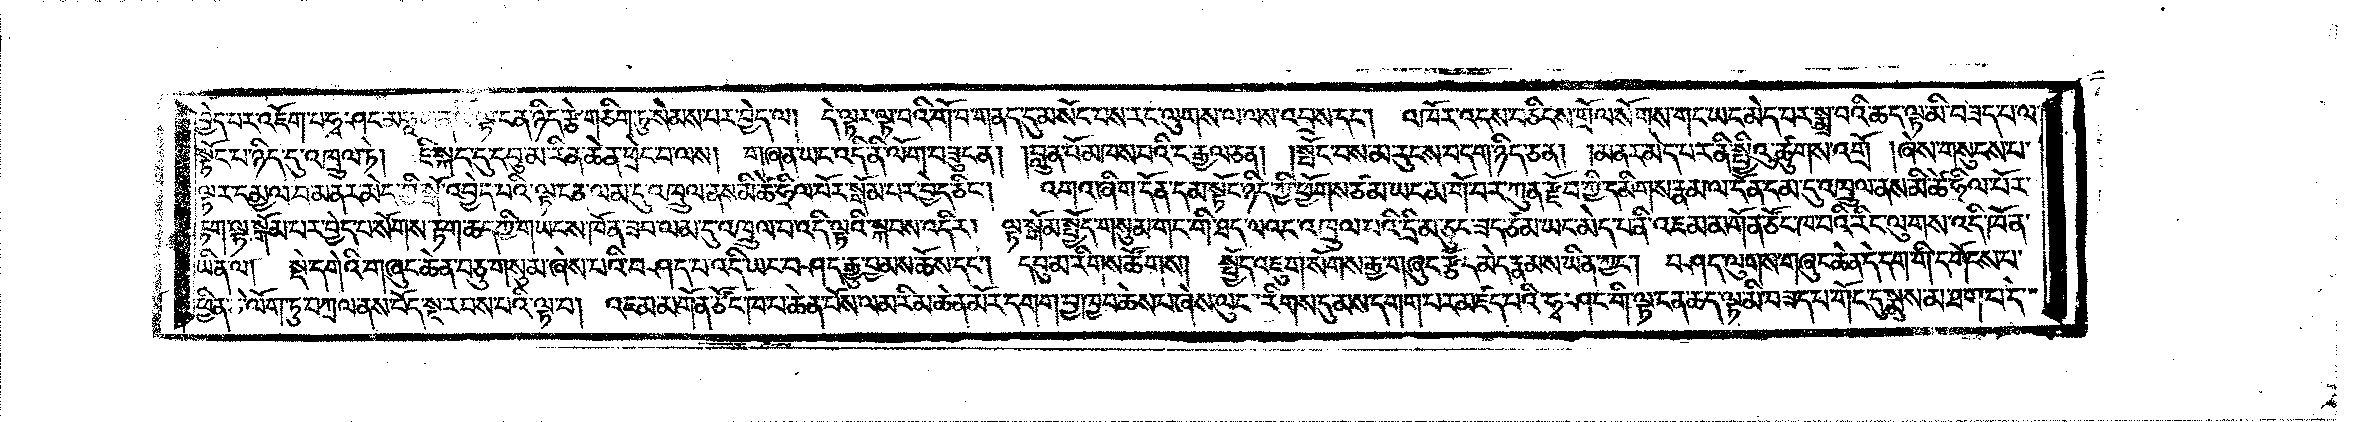བྱེད་པར་འཇོག་པ་ཧྭ་ཤང་མཧཱ་ཡ་ནའི་ལྟ་ངན་ཉིད་རྩེ་གཅིག་ཏུ་སེམས་པར་བྱེད་ལ། དེ་ལྟར་ལྟ་བའི་གོ་བ་གནད་དུ་མ་སོང་བས་རང་ལུགས་ལ་ལས་འབྲས་དང་། འཁོར་འདས་བཅིངས་གྲོལ་སོགས་གང་ཡང་མེད་པར་སྨྲ་བའི་ཆད་ལྟ་མི་བཟད་པ་ལ་
སྟོང་པ་ཉིད་དུ་འཁྲུལ་ཏེ། ཇི་སྐད་དུ་དབུ་མ་རིན་ཆེན་ཕྲེང་བ་ལས། གཞན་ཡང་འདི་ནི་ལོག་བཟུང་ན། །བླུན་པོ་མཁས་པའི་ང་རྒྱལ་ཅན། །སྤོང་པས་མ་རུངས་བདག་ཉིད་ཅན། །མནར་མེད་པར་ནི་སྤྱིའུ་ཚུགས་འགྲོ་།ཞེས་གསུངས་པ་
ལྟར་དམྱལ་བ་མནར་མེད་ཀྱི་སྒོ་འབྱེད་པའི་ལྟ་ངན་ལམ་དུ་འཁྲུལ་ནས་མི་ཚེ་ཧྲིལ་པོར་སྒོམ་པར་བྱེད་ཅིང་། འགའ་ཞིག་དོན་དམ་སྟོང་ཉིད་ཀྱི་ཕྱོགས་ཙམ་ཡང་མ་གོ་བར་ཀུན་རྫོབ་ཀྱི་དམིགས་རྣམ་ལ་དོན་དམ་དུ་འཁྲུལ་ནས་མི་ཚེ་ཧྲིལ་པོར་
རྟག་ལྟ་སྒོམ་པར་བྱེད་པ་སོགས་རྟག་ཆད་ཀྱི་གཡང་ས་ཁོ་ན་ཟབ་ལམ་དུ་འཁྲུལ་བ་འདི་ལྟའི་སྐབས་འདིར། ལྟ་སྒོམ་སྤྱོད་གསུམ་གང་གི་ཐད་ལའང་འཁྲུལ་བའི་དྲི་མ་ཅུང་ཟད་ཙམ་ཡང་མེད་པ་ནི་འཇམ་མགོན་ཙོང་ཁ་པའི་རིང་ལུགས་འདི་ཁོ་ན་
ཡིན་ལ། སྡེ་དགེའི་གཞུང་ཆེན་བཅུ་གསུམ་ཞེས་པའི་བཤད་པ་འདི་ཡང་བཤད་རྒྱུ་བྱམས་ཆོས་དང་། དབུ་མ་རིགས་ཚོགས། སྤྱོད་འཇུག་སོགས་རྒྱ་གཞུང་རྩོད་མེད་རྣམས་ཡིན་ཀྱང་། བཤད་ལུགས་གཞུང་ཆེན་དེ་དག་གི་དགོངས་པ་
ཕྱིན་ཅི་ལོག་ཏུ་བཀྲལ་ནས་བོད་སྔ་རབས་པའི་ལྟ་བ། འཇམ་མགོན་ཙོང་ཁ་པ་ཆེན་པོས་ལམ་རིམ་ཆེན་མོར་དགག་བྱ་ཁྱབ་ཆེས་པ་ཞེས་ལུང་རིགས་དུ་མས་དགག་པར་མཛད་པའི་ཧྭ་ཤང་གི་ལྟ་ངན་ཆད་ལྟ་མི་བཟད་པ་གོང་དུ་སྨུས་མ་ཐག་པ་དེ་